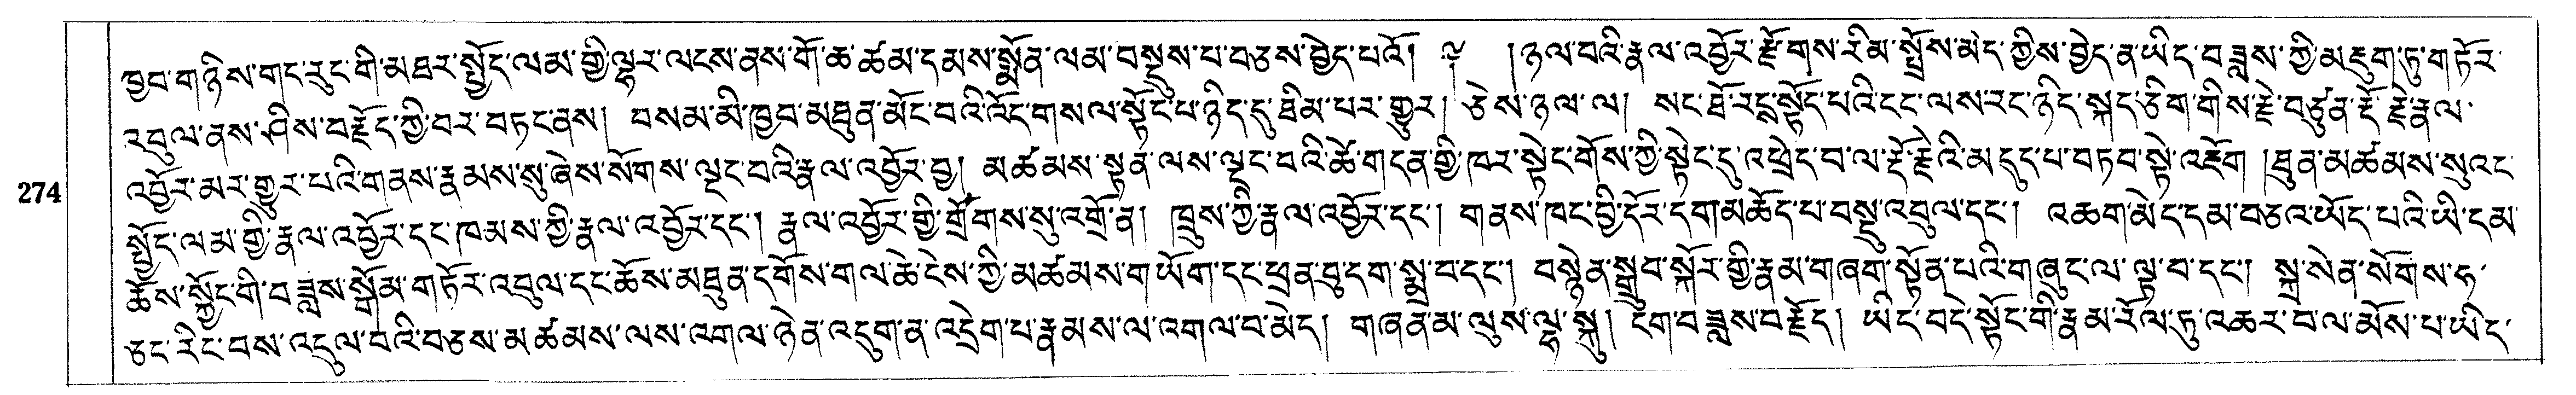ཁྱབ་གཉིས་གང་རུང་གི་མཐར་སྤྱོད་ལམ་གྱི་ལྷར་ལངས་ནས་གོ་ཆ་ཚམ་ངམས་སྨོན་ལམ་བསྡུས་པ་བཅས་བྱེད་པའོ། ༈ །ཉལ་བའི་རྣལ་འབྱོར་རྫོགས་རིམ་སྦྲོས་མེད་ཀྱིས་བྱེད་ན་ཡིད་བཟླས་ཀྱི་མཇུག་ཏུ་གཏོར་
འབུལ་ནས་ཤིས་བརྗོད་ཀྱི་བར་བཏང་ནས། བསམ་མི་ཁྱབ་མཐུན་མོང་བའི་འོད་གསལ་སྟོང་པ་ཉིད་དུ་ཐིམ་པར་གྱུར། ཅེས་ཉལ་ལ། སང་ཐོ་རངས་སྟོང་པའི་ངང་ལས་རང་ཉིད་སྐད་ཅིག་གིས་རྗེ་བཙུན་རྡོ་རྗེ་རྣལ་
འབྱོར་མར་གྱུར་པའི་གནས་རྣམས་སུ་ཞེས་སོགས་ལྡང་བའི་རྣལ་འབྱོར་བྱ། མཚམས་སྟན་ལས་ལྡང་བའི་ཚེ་གདན་གྱི་ཁར་སྟེང་གོས་ཀྱི་སྟེང་དུ་འཕྲེང་བ་ལ་རྡོ་རྗེའི་མདུད་པ་བཏབ་སྟེ་འཇོག །ཐུན་མཚམས་སུའང་
སྤྱོད་ལམ་གྱི་རྣལ་འབྱོར་དང་ཁ་ཟས་ཀྱི་རྣལ་འབྱོར་དང་། རྣལ་འབྱོར་གྱི་གྲོགས་སུ་འགྲོ་ན། ཁྲུས་ཀྱི་རྣལ་འབྱོར་དང་། གནས་ཁང་བྱི་ངོར་དང་། མཆོད་པ་བསྡུ་འབུལ་དང་། འཆག་མེད་དམ་བཅའ་ཡོད་པའི་ཡི་དམ་
ཆོས་སྐྱོང་གི་བཟླས་སྒོམ་གཏོར་འབུལ་དང་ཆོས་མཐུན་དགོས་གལ་ཆེ་ངེས་ཀྱི་མཚམས་གཡོག་དང་ཕྲན་བུ་ངག་སྨྲ་བ་དང་། བསྙེན་སྒྲུབ་སྐོར་གྱི་རྣམ་གཞག་སྟོན་པའི་གཞུང་ལ་ལྟ་བ་དང་། སྐྲ་སེན་སོགས་ཧ་
ཅང་རིང་བས་འདུལ་བའི་བཅས་མཚམས་ལས་འགལ་ཉེན་འདུག་ན་འདྲེག་པ་རྣམས་ལ་འགལ་བ་མེད། གཞན་མ་ལུས་ལྷ་སྐུ། ངག་བཟླས་བརྗོད། ཡིད་བདེ་སྟོང་གི་རྣམ་རོལ་ཏུ་འཆར་བ་ལ་མོས་པ་ཡིད་